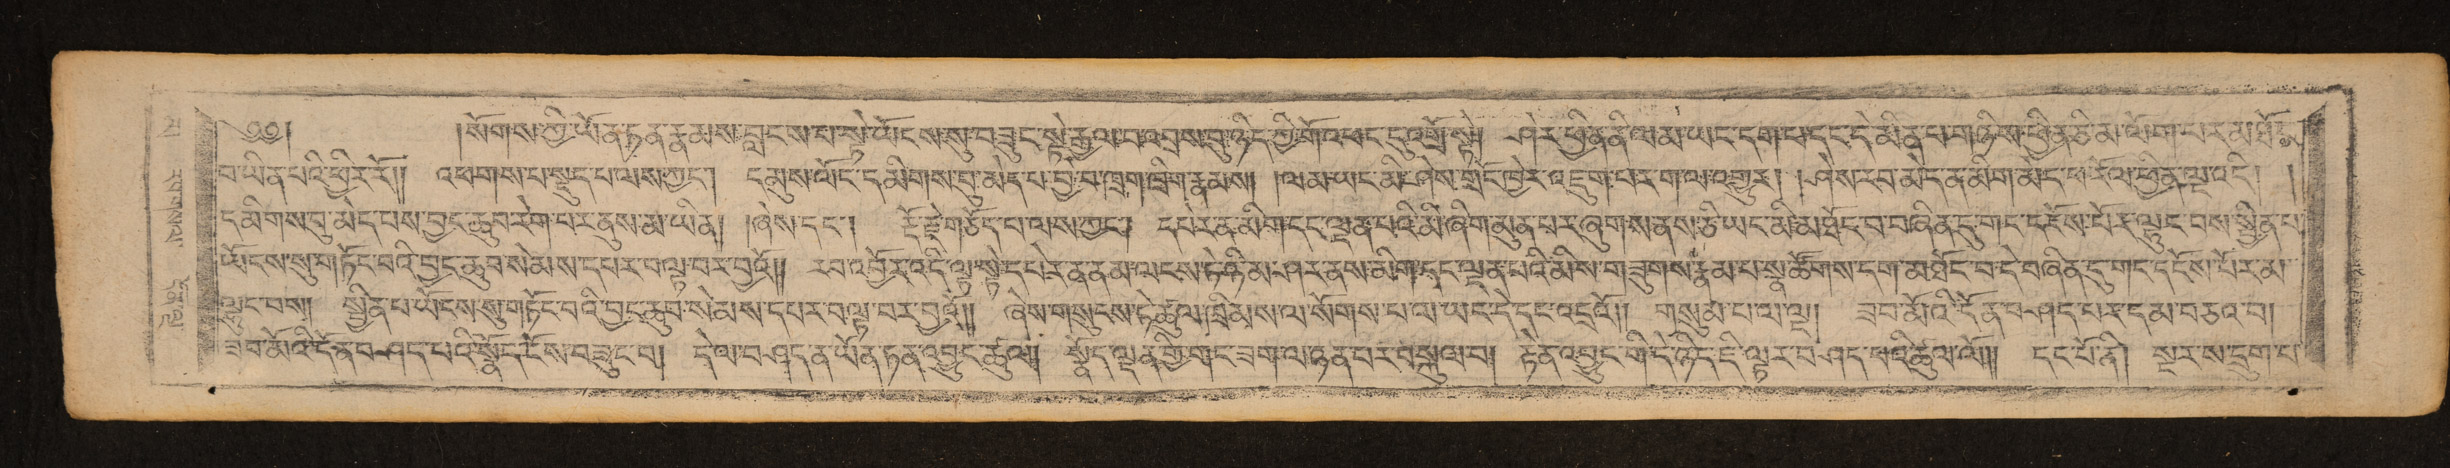༄༅། །སོགས་ཀྱི་ཡོན་ཏན་རྣམས་བླངས་པ་སྟེ་ཡོངས་སུ་བཟུང་སྟེ་རྒྱལ་བ་འབྲས་བུ་ཉིད་ཀྱི་གོ་འཕང་དུ་འགྲོ་སྟེ། ཤེར་ཕྱིན་ནི་ལམ་ཡང་དག་པ་དང་དེ་མིན་པ་གཉིས་ཕྱིན་ཅི་མ་ལོག་པར་མཐོང་
བ་ཡིན་པའི་ཕྱིར་རོ།། འཕགས་པ་སྡུད་པ་ལས་ཀྱང་། དམུས་ལོང་དམིགས་བུ་མེད་པ་བྱེ་བ་ཁྲག་ཁྲིག་རྣམས། །ལམ་ཡང་མི་ཤེས་གྲོང་ཁྱེར་འཇུག་པར་ག་ལ་འགྱུར། །ཤེས་རབ་མེད་ན་མིག་མེད་ཕ་རོལ་ཕྱིན་ལྔ་འདི།།
དམིགས་བུ་མེད་པས་བྱང་ཆུབ་རེག་པར་ནུས་མ་ཡིན། །ཞེས་དང་། རྡོ་རྗེ་གཅོད་པ་ལས་ཀྱང་། དཔེར་ན་མིག་དང་ལྡན་པའི་མི་ཞིག་མུན་པར་ཞུགས་ནས་ཅི་ཡང་མི་མཐོང་བ་བཞིན་དུ་གང་དངོས་པོར་ལྷུང་བས་སྦྱིན་པ་
ཡོངས་སུ་གཏོང་བའི་བྱང་ཆུབ་སེམས་དཔར་བལྟ་བར་བྱའོ།། རབ་འབྱོར་འདི་ལྟ་སྟེ་དཔེར་ན་ནམ་ལངས་ཏེ་ཉི་མ་ཤར་ནས་མིག་དང་ལྡན་པའི་མིས་གཟུགས་རྣམ་པ་སྣ་ཚོགས་དག་མཐོང་བ་དེ་བཞིན་དུ་གང་དངོས་པོར་མ་
ལྷུང་བས། སྦྱིན་པ་ཡོངས་སུ་གཏོང་བའི་བྱང་ཆུབ་སེམས་དཔར་བལྟ་བར་བྱའོ།། ཞེས་གསུངས་ཏེ་ཚུལ་ཁྲིམས་ལ་སོགས་པ་ལ་ཡང་དེ་དང་འདྲའོ།། གསུམ་པ་ལ་ལྔ། ཟབ་མོའི་དོན་བཤད་པར་དམ་བཅའ་བ།
ཟབ་མོའི་དོན་བཤད་པའི་སྣོད་ངོས་བཟུང་བ། དེ་ལ་བཤད་ན་ཡོན་ཏན་འབྱུང་ཚུལ། སྣོད་ལྡན་གྱི་གང་ཟག་ལ་ཉན་པར་བསྐུལ་བ། རྟེན་འབྱུང་གི་དེ་ཉིད་ཇི་ལྟར་བཤད་པའི་ཚུལ་ལོ།། དང་པོ་ནི། སྔར་ས་དྲུག་པ་